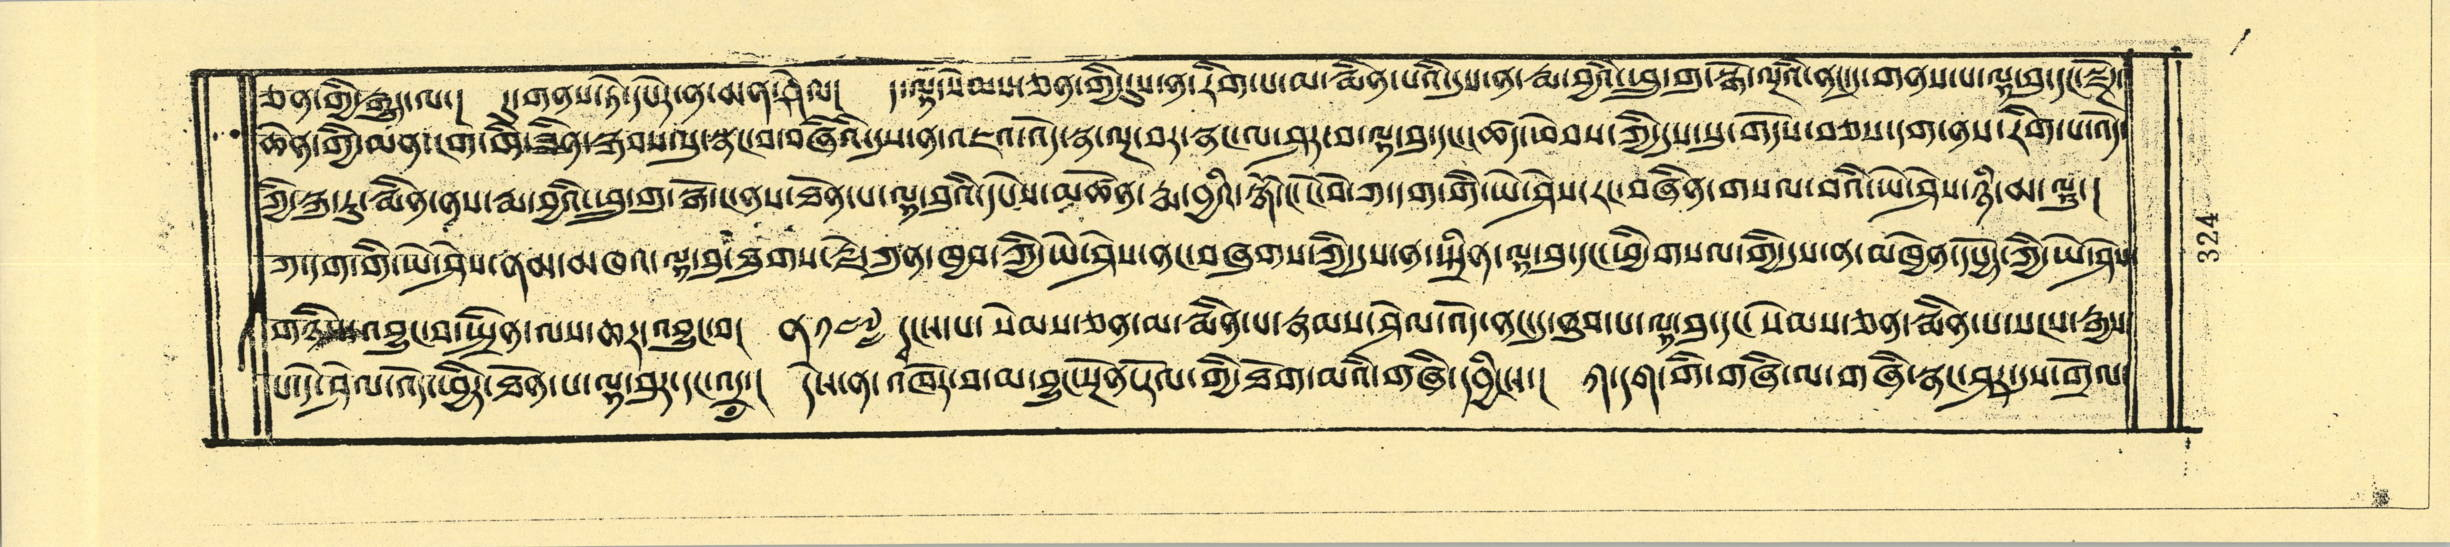ཅན་གྱི་རྒྱུད་ལ། ༼དུ་༽གནས་ཏེ་དཔེར་ན་ ༼མན་ཤེལ།༽ད་ལྟ་སེམས་ཅན་གྱི་དུས་ན་རིག་པ་མ་སྨིན་པའི་དུས་ན་རྨ་བྱའི་ཕྲུ་གུ་སྒོ་ངའི་ནང་དུ་གནས་པ་ལྟ་བུ་དང་སྫོགས་
ཆེན་གྱི་མན་ངག་གི་ཟིན་སྐབས་སུ་སྣང་བ་བཞིའི་དུས་ན་འཇའ་འོད་སྣ་ལྔ་བར་སྣང་ལ་ཤར་བ་ལྟ་བུ་དང་། ཚད་ཕེབས་ཀྱི་དུས་སུ་གདོས་བཅས་དག་ནས་རིག་པ་འོད་
ཀྱི་སྐུ་རུ་སྨིན་ནས་རྨ་བྱའི་ཕྲུ་གུ་སྒོ་ང་ནས་ཐོན་པ་ལྟ་བུའི་དཔེས་མཚོན་ ༼རྨ་བྱའི་སྒོ་ང་༽ངོ་བོ་ཀ་དག་གི་ཡེ་ཤེས་རང་བཞིན་གསལ་བའི་ཡེ་ཤེས་ ༼ཉི་མ་༽ལྟ་།
ཀ་དག་གི་ཡེ་ཤེས་ ༼ནམ་མཁའ་༽ལྟ་བུ་ཐུགས་རྗེ་ཀུན་ཁྱབ་ཀྱི་ཡེ་ཤེས་ནང་བཞུགས་ཀྱི་དུས་ན་ ༼སྤྲིན་༽ལྟ་བུ་དང་ཕྱི་གསལ་གྱི་དུས་ན་མཁྱེན་དཔྱོད་ཀྱི་ཡེ་ཤེས་
གཉིས་འབྱུང་བ་སྤྲིན་ལས་ཆར་འབྱུང་བ། ན༡༤༧།༤ ༼དྭངས་པ་༽སེམས་ཅན་མ་སྨིན་པ་རྣམས་ཤེལ་འོད་ནང་དུ་ནུབ་པ་ལྟ་བུ་དང་སེམས་ཅན་སྨིན་པ་སངས་རྒྱས་
པ་དེ་ཤེལ་འོད་ཕྱིར་ཐོན་པ་ལྟ་བུར་དང་འདྲ། ༼དེས་ན་༽འཁོར་བ་མ་བྱུང་སྔོན་རོལ་གྱི་ཐོག་མའི་གཞི་ ༼དབྱིངས་༽ ༼ཀ་དག་༽གི་གཞི་ལ་གཞི་སྣང་ཤར་དུས་གྲོལ་